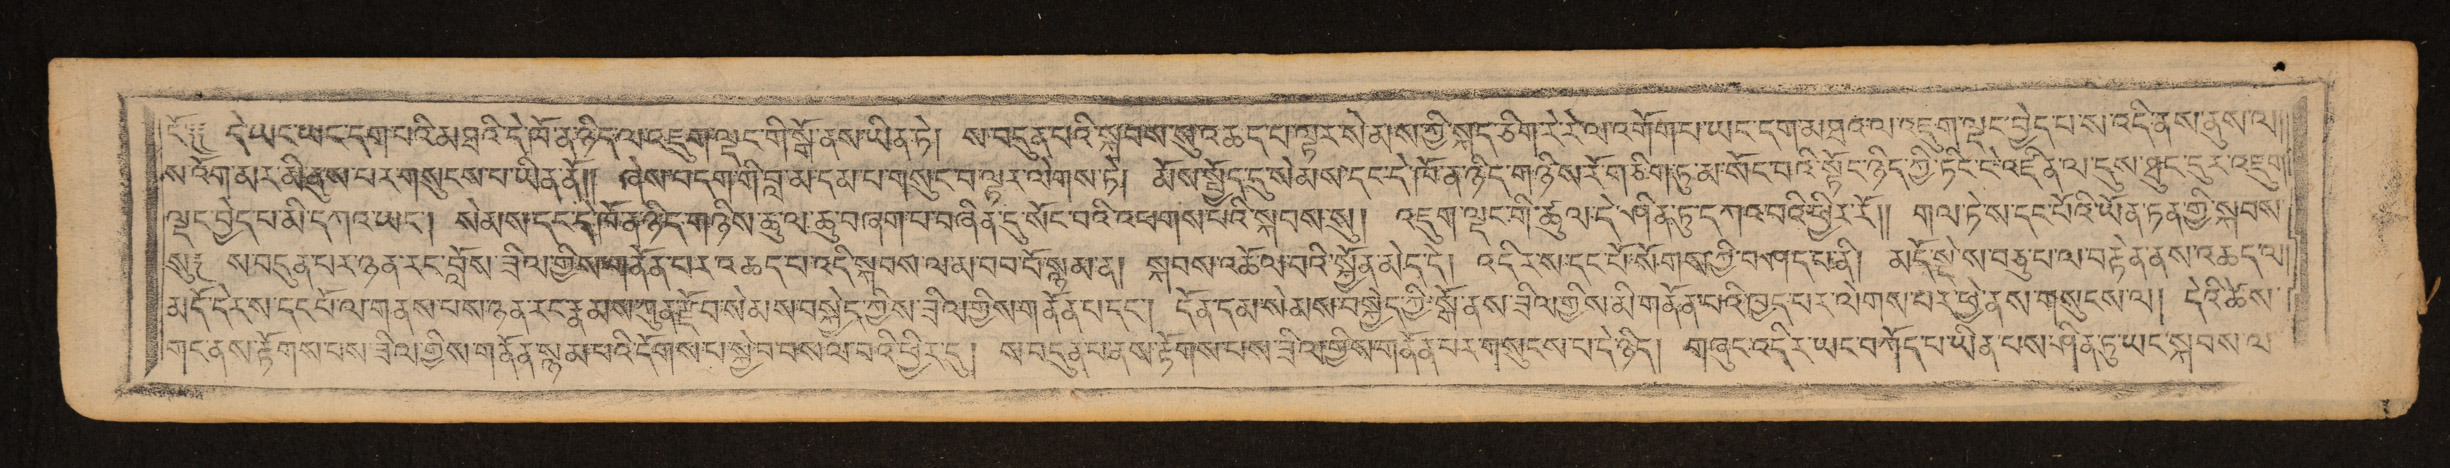ངོ༑༑ དེ་ཡང་ཡང་དག་པའི་མཐའི་དེ་ཁོ་ན་ཉིད་ལ་འཇུག་ལྡང་གི་སྒོ་ནས་ཡིན་ཏེ། ས་བདུན་པའི་སྐབས་སུ་འཆད་པ་ལྟར་སེམས་ཀྱི་སྐད་ཅིག་རེ་རེ་ལ་འགོག་པ་ཡང་དག་མཐའ་ལ་འཇུག་ལྡང་བྱེད་པ་ས་འདི་ནས་ནུས་ལ།
ས་འོག་མར་མི་ནུས་པར་གསུངས་པ་ཡིན་ནོ།། ཞེས་བདག་གི་བླ་མ་དམ་པ་གསུང་བ་ལྟར་ལེགས་ཏེ། མོས་སྤྱོད་དུ་སེམས་དང་དེ་ཁོ་ན་ཉིད་གཉིས་རོ་གཅིག་ཏུ་མ་སོང་བའི་སྟོང་ཉིད་ཀྱི་ཏིང་ངེ་འཛིན་ལ་དུས་ཐུང་ངུར་འཇུག་
ལྡང་བྱེད་པ་མི་དཀའ་ཡང་། སེམས་དང་དེ་ཁོ་ན་ཉིད་གཉིས་ཆུ་ལ་ཆུ་བཞག་པ་བཞིན་དུ་སོང་བའི་འཕགས་པའི་སྐབས་སུ། འཇུག་ལྡང་གི་ཚུལ་དེ་ཤིན་ཏུ་དཀའ་བའི་ཕྱིར་རོ།། གལ་ཏེ་ས་དང་པོའི་ཡོན་ཏན་གྱི་སྐབས་
སུ༑ ས་བདུན་པར་ཉན་རང་བློས་ཟིལ་གྱིས་གནོན་པར་འཆད་པ་འདི་སྐབས་ལ་མ་བབ་པོ་སྙམ་ན། སྐབས་འཆོལ་བའི་སྐྱོན་མེད་དེ། འདིར་ས་དང་པོ་སོགས་ཀྱི་བཤད་པ་ནི། མདོ་སྡེ་ས་བཅུ་པ་ལ་བརྟེན་ནས་འཆད་ལ།
མདོ་དེར་ས་དང་པོ་ལ་གནས་པས་ཉན་རང་རྣམས་ཀུན་རྫོབ་སེམས་བསྐྱེད་ཀྱིས་ཟིལ་གྱིས་གནོན་པ་དང་། དོན་དམ་སེམས་བསྐྱེད་ཀྱི་སྒོ་ནས་ཟིལ་གྱིས་མི་གནོན་པའི་ཁྱད་པར་ལེགས་པར་ཕྱེ་ནས་གསུངས་ལ། དེའི་ཚེས་
གང་ནས་རྟོགས་པས་ཟིལ་གྱིས་གནོན་སྙམ་པའི་དོགས་པ་སྐྱེ་བ་བསལ་བའི་ཕྱིར་དུ། ས་བདུན་པ་ནས་རྟོགས་པས་ཟིལ་གྱིས་གནོན་པར་གསུངས་པ་དེ་ཉིད། གཞུང་འདིར་ཡང་བཀོད་པ་ཡིན་པས་ཤིན་ཏུ་ཡང་སྐབས་ལ་